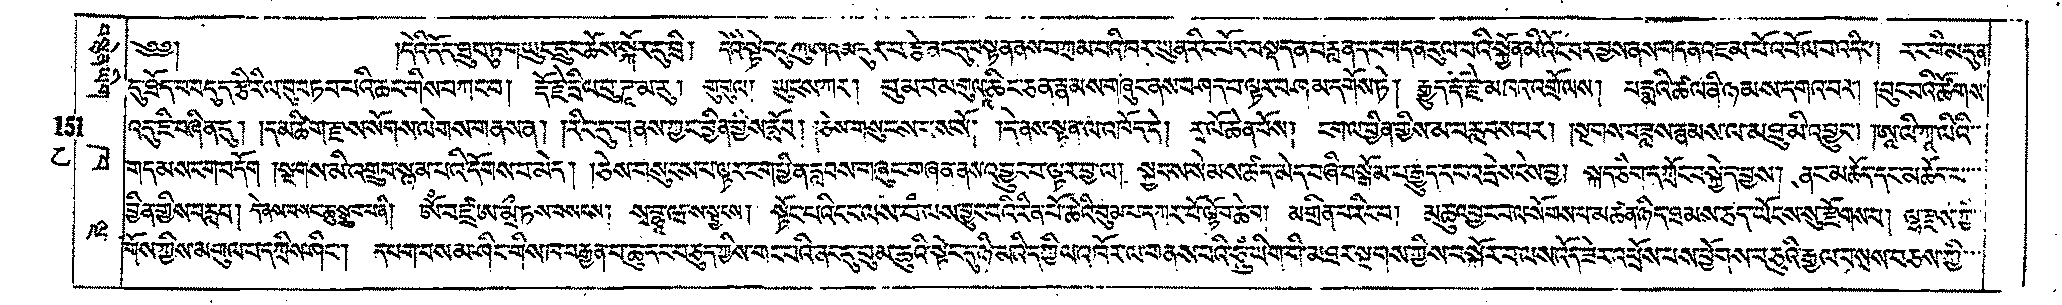༄༅། །དེའི་དོད་ཐུབ་ཏུ་གཡུང་དྲུང་ཆོས་སྐོར་དུ་བྲི། དེའི་སྟེང་དུ་ཀུ་ཤམ་དུར་བ་རྩེ་ནང་དུ་བསྟན་ནས་བཀྲམ་པའི་ཁར་ཡུན་རིང་པོར་བསྡད་ན་བརླན་དང་གདན་རུལ་པའི་སྐྱོན་མི་འོང་བར་བྱས་ནས་གདན་འཇམ་པོ་འབོལ་བ་འདིབ། རང་གི་མདུན་
དུ་ཐོད་པ་བདུད་རྩི་རིལ་བུ་བཏབ་པའི་ཆང་གིས་བཀང་བ། རྡོ་རྗེ་དྲིལ་བུ་ཌཱ་མ་རུ། གུ་གུལ། ཡུངས་ཀར། བུམ་པ་མགུལ་འཆིང་ཅན་རྣམས་གཞུང་ནས་བཤད་པ་ལྟར་བཤམ་དགོས་ཏེ། རྒྱུད་རྡོ་རྗེ་མཁའ་འགྲོ་ལས། པདམའི་ཚལ་ནི་ཉམས་དགའ་བར། །བུང་བའི་ཚོགས་
འདུ་ཇི་བཞིན་དུ། །དམ་ཚིགས་རྫས་སོགས་ལེགས་གནས་ན། །རིང་དུ་གནས་ཀྱང་བྱིན་གྱིས་རློབ། །ཅེས་གསུངས་པས་སོ། །དེ་ནས་སྟན་ལ་འཁོད་དེ། རྭ་ལོ་ཆེན་པོས། ངག་ལ་བྱིན་གྱིས་མ་བརླབས་པར། །སྔགས་བཟླས་རྣམས་ལ་མཐུ་མི་འབྱུང་། །ཨཱ་ལི་ཀཱ་ལིའི་་་
གདམས་ངག་བདོག །སྔགས་མི་འགྲུབ་སྙམ་པའི་དོགས་པ་མེད། །ཅེས་གསུངས་པ་ལྟར་ངག་བྱིན་རླབས་གཞུང་གཞན་ནས་འབྱུང་བ་ལྟར་བྱ་ལ། སྐྱབས་སེམས་ཚད་མེད་བཞི་བསྒོམ་པ་རྒྱུད་དང་འདྲེས་ངེས་བྱ། སྐད་ཅིག་དཀྲོང་བསྐྱེད་བྱས། ནང་མཆོད་དང་མཆོད་པ་་་
བྱིན་གྱིས་བརླབ། དེ་ནས་བསང་ཆུ་སྒྲུབ་པ་ནི།  ཨོཾ་བཛྲ་ཨྀ་མྲ་ཏས་བསངས། སྭ་བྷཱ་ཝས་སྦྱངས། སྟོང་པའི་ངང་ལས་བཾ་ལས་བྱུང་བའི་རིན་པོ་ཆེའི་བུམ་པ་དཀར་པོ་ལྟོ་བ་ཆེ་བ། མགྲིན་པ་རིང་བ། མཆུ་འཕྱང་བ་ལ་སོགས་པ་མཚན་ཉིད་ཐམས་ཅད་ཡོངས་སུ་རྫོགས་པ། ལྷ་རྫས་ཀྱི་་་
གོས་ཀྱིས་མགུལ་པ་དཀྲིས་ཤིང་། དཔག་བསམ་ཤིང་གིས་ཁ་བརྒྱན་པ་ཆུ་དང་བཅུད་ཀྱིས་གང་བའི་ནང་དུ་བུམ་ཆུའི་སྟེང་དུ་ཉི་མའི་དཀྱིལ་འཁོར་ལ་གནས་པའི་ཧཱུཾ་ཡིག་གི་མཐར་སྔགས་ཀྱིས་བསྐོར་བ་ལས་འོད་ཟེར་འཕྲོས་པས་ཕྱོགས་བཅུའི་རྒྱལ་བ་སྲས་བཅས་ཀྱི་་་